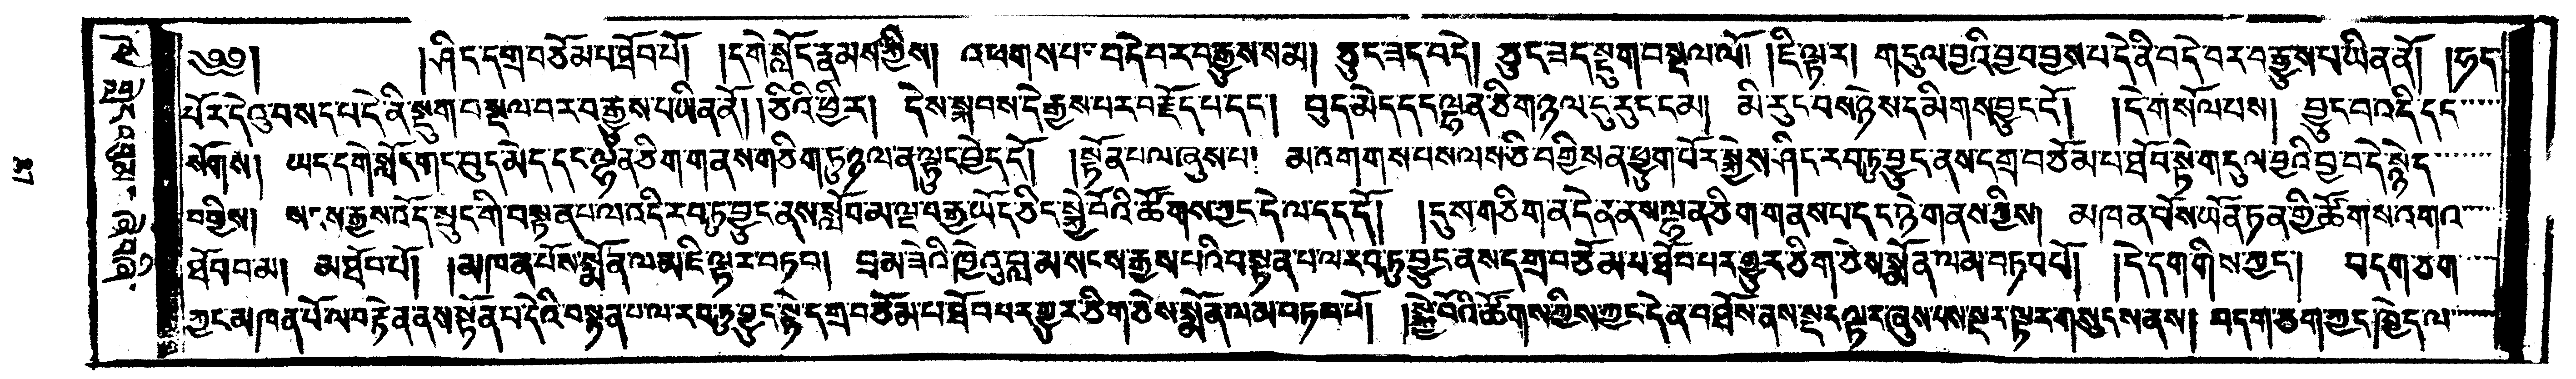༄༅། །ཤིང་དགྲ་བཅོམ་པ་ཐོབ་པོ། །དགེ་སློང་རྣམས་ཀྱིས། འཕགས་པ༑ བདེ་བར་བརྒྱུས་སམ། ཅུང་ཟད་བདེ། ཅུང་ཟད་སྡུག་བསྔལ་ལོ། །ཇི་ལྟར། གདུལ་བྱའི་བྱ་བ་བྱས་པ་དེ་ནི་བདེ་བར་བརྒྱུས་པ་ཡིན་ནོ། །ཧད་
པོར་དེའུ་བསད་པ་དེ་ནི་སྡུག་བསྔལ་བར་བརྒྱུས་པ་ཡིན་ནོ། །ཅིའི་ཕྱིར། དེས་སྐབས་དེ་རྒྱས་པར་བརྗོད་པ་དང་། བུད་མེད་དང་ལྷན་ཅིག་ཉལ་དུ་རུང་ངམ། མི་རུང་བས་ཉེས་དམིགས་བྱུང་ངོ། །དེ་གསོལ་པས། བྱུང་བ་འདི་དང་
སོགས། ཡང་དགེ་སློང་གང་བུད་མེད་དང་ལྷན་ཅིག་གནས་གཅིག་ཏུ་ཉལ་ནས་ལྟུང་བྱེད་དོ། །སྟོན་པ་ལ་ཞུས་པ། མ་འགགས་པས་ལས་ཅི་བགྱིས་ན་ཕྱུག་པོར་སྐྱེས་ཤིང་རབ་ཏུ་བྱུང་ནས་དགྲ་བཅོམ་པ་ཐོབ་སྟེ་གདུལ་བྱའི་བྱ་བ་དེ་སྙེད་
བགྱིས། སངས་རྒྱས་འོད་སྲུང་གི་བསྟན་པ་ལ་འདི་རབ་ཏུ་བྱུང་ནས་སློབ་མ་ལྔ་བརྒྱ་ཡོད་ཅིང་སྐྱེ་བོའི་ཚོགས་ཀྱང་དེ་ལ་དད་དོ། །དུས་གཅིག་ན་དེ་ན་ནས་ལྷན་ཅིག་གནས་པ་དང་ཉེ་གནས་ཀྱིས། མཁན་པོས་ཡོན་ཏན་གྱི་ཚོགས་འགའ་
ཐོབ་བམ། མ་ཐོབ་པོ། །མཁན་པོས་སྨོན་ལམ་ཇི་ལྟར་བཏབ། བྲམ་ཟེའི་ཁྱེའུ་བླ་མ་སངས་རྒྱས་པའི་བསྟན་པ་ལ་རབ་ཏུ་བྱུང་ནས་དགྲ་བཅོམ་པ་ཐོབ་པར་གྱུར་ཅིག་ཅེས་སྨོན་ལམ་བཏབ་པོ། །དེ་དག་གིས་ཀྱང་། བདག་ཅག་
ཀྱང་མཁན་པོ་ལ་བརྟེན་ནས་སྟོན་པ་དེའི་བསྟན་པ་ལ་རབ་ཏུ་བྱུང་སྟེ་དགྲ་བཅོམ་པ་ཐོབ་པར་གྱུར་ཅིག་ཅེས་སྨོན་ལམ་བཏབ་པོ། །སྐྱེ་བོའི་ཚོགས་ཀྱིས་ཀྱང་དེ་ན་བ་ཐོས་ནས་སྔར་ལྟར་ཞུས་པས་སྔར་ལྟར་གསུངས་ནས། བདག་ཅག་ཀྱང་ཁྱེད་ལ་